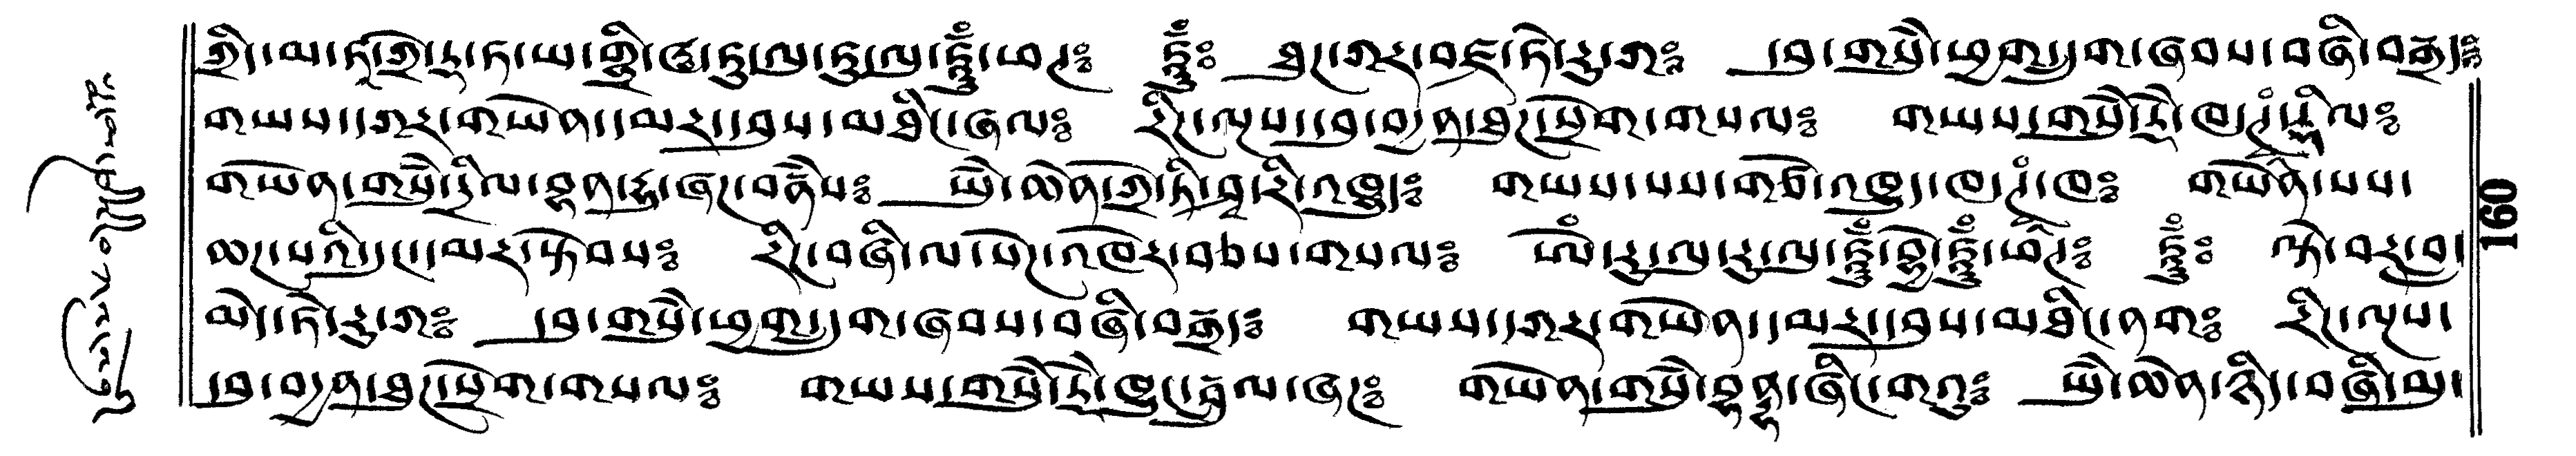ཀྲིཏ་མ་ཧཱ་ཀྲོ་དྷ་ཧ་ཡ་གྷྲི་ཝ་ཧུ་ལུ་ཧུ་ལུ་ཧཱུྃ་ཕཊ༔ ཧཱུྃ༔ ཐུགས་ཀར་བཛྲ་ཧེ་རུ་ཀ༔ དབུ་གསུམ་ཕྱག་དྲུག་ཞབས་བཞི་བསྒྲད༔ 
གཡས་དཀར་གཡོན་དམར་དབུས་མཐིང་ཞལ༔ རིགས་ལྔས་དབུ་བརྒྱན་ཐུགས་སྲོག་གསལ༔ གཡས་གསུམ་རྡོ་རྗེ་ཁ་ཊྭཱཾ་རྡིལ༔ 
གཡོན་གསུམ་དྲིལ་བྷན་རྒྱུ་ཞགས་བསྣམས༔ ཡུམ་ཆེན་ཀྲོ་ཏི་ཤྭ་རི་འཁྱུད༔ གཡས་པས་གཙོ་འཁྱུད་ཁ་ཊྭཾ་ག༔ གཡོན་པས་
ཆགས་པའི་དུང་དམར་སྟོབ༔ རིགས་བཞི་ལ་སོགས་འཁོར་བཅས་གསལ༔ ཨོཾ་རུ་ལུ་རུ་ལུ་ཧཱུྃ་བྷྱོ་ཧཱུྃ་ཕཊ༔ ཧཱུྃ༔ ལྟེ་བར་བླ་
མེད་ཧེ་རུ་ཀ༔ དབུ་གསུམ་ཕྱག་དྲུག་ཞབས་བཞི་བསྒྲད༔ གཡས་དཀར་གཡོན་དམར་དབུས་མཐིང་ནག༔ རིགས་ལྔས་
དབུ་བརྒྱན་ཐུགས་སྲོག་གསལ༔ གཡས་གསུམ་རྡོ་རྗེ་ཁྱུང་སྦྲུལ་ཞགས༔ གཡོན་གསུམ་བྷནྡྷ་ཞིང་གའུ༔ ཡུམ་ཆེན་ཉིད་བཞི་མུ་